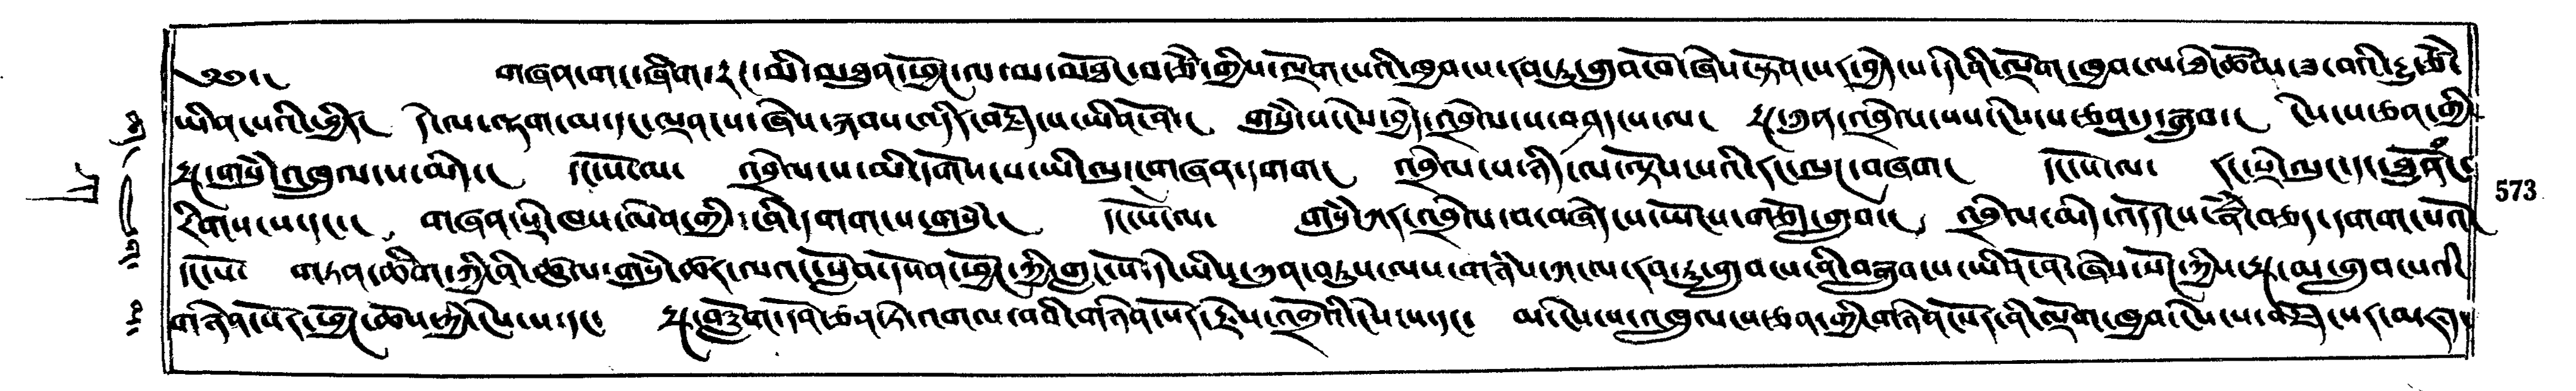གཞན་གང་ཞིག་རྟགས་མི་མཐུན་ཕྱོགས་ལ་མ་མཐོང་བ་ཙམ་གྱིས་ལྡོག་པའི་ཁྱབ་པ་རབ་ཏུ་གྲུབ་བོ་ཞེས་སྟོན་པར་བྱེད་པ་དེ་ནི་ལྡོག་ཁྱབ་ཐེ་ཚོམ་ཟ་བའི་རྒྱུ་ཙམ་
ཡིན་པའི་ཕྱིར། དེ་ལ་ལྷག་མ་དང་ལྡན་པ་ཞེས་སྐབས་འདིར་བརྗོད་པ་ཡིན་ནོ།། གསུམ་པ་ངེས་བྱེད་འབྲེལ་པ་བཤད་པ་ལ། རྟགས་ཀུན་འབྲེལ་པས་ངེས་པ་ཅན་དུ་སྒྲུབ། །ངེས་པ་ཅན་གྱི་
རྟགས་གསུམ་འཁྲུལ་པ་མེད། །དང་པོ་ལ། འབྲེལ་བ་མི་དགོས་པ་ཡི་ལུགས་གཞན་དགག །འབྲེལ་པ་ཉིད་ལ་ལྟོས་པའི་རང་ལུགས་བཞག །དང་པོ་ལ། རང་སྡེ་ལུང་དང་ཐུན་མོང་
རིགས་པ་དང་། །གཞན་སྡེ་ཁས་ལེན་གྱི་ནི་དགག་པ་གསུམ། །དང་པོ་ལ། གསུམ་ཀར་འབྲེལ་བ་བཞེད་པ་ཡོངས་གཅོད་གྲུབ། །འབྲེལ་མེད་འདོད་པ་རྣམ་བཅད་དགག་པའོ། །
དང་པོ། གཏན་ཚིགས་ཀྱི་ནི་ཚུལ་གསུམ་ཆར་ལའང་སློབ་དཔོན་ཕྱོགས་ཀྱི་གླང་པོ་དེ་ཡིས་ཀུན་བཏུས་ལས་གཉིས་ཀ་ལ་རབ་ཏུ་གྲུབ་པ་ནི་བསྒྲུབ་པ་ཡིན་ནོ་ཞེས་སོགས་ཀྱིས་རྟགས་མ་གྲུབ་པའི་
གཉེན་པོར་ཕྱོགས་ཆོས་ཀྱི་ངེས་པ་དང་།རྟགས་ལྡོན་དོན་ཅན་ཏེ་འགལ་བའི་གཉེན་པོར་རྗེས་འགྲོའི་ངེས་པ་དང་། མ་ངེས་པ་འཁྲུལ་པ་ཅན་གྱི་གཉེན་པོར་ནི་ལྡོག་ཁྱབ་ངེས་པ་བརྗོད་པར་མཛད་